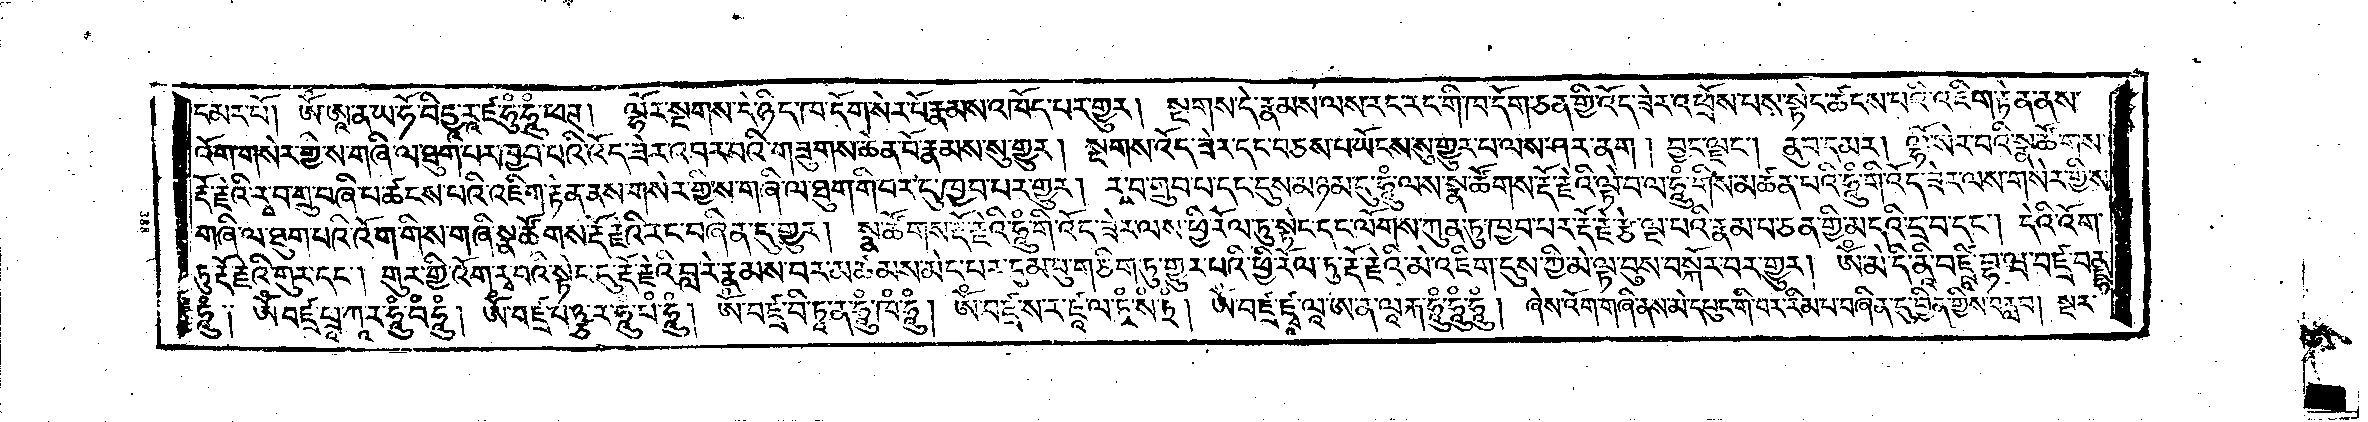དམར་པོ། ཨོཾ་ཨཱ་ན་ཡ་ཧོ་བིདྱཱ་རཱ་ཛ་ཧཱུཾ་ཧཱུཾ་ཕཊ། ལྷོར་སྔགས་དེ་ཉིད་ཁ་དོག་གསེར་པོ་རྣམས་འཁོད་པར་གྱུར། སྔགས་དེ་རྣམས་ལས་རང་རང་གི་ཁ་དོག་ཅན་གྱི་འོད་ཟེར་འཕྲོས་པས་སྟེང་ཚངས་པའི་འཇིག་རྟེན་ནས་
འོག་གསེར་གྱི་ས་གཞི་ལ་ཐུག་པར་ཁྱབ་པའི་འོད་ཟེར་འབར་བའི་གཟུགས་ཆེན་པོ་རྣམས་སུ་གྱུར། སྔགས་འོད་ཟེར་དང་བཅས་པ་ཡོངས་སུ་གྱུར་པ་ལས་ཤར་ནག །བྱང་ལྗང་། ནུབ་དམར། ལྷོ་སེར་བའི་སྣ་ཚོགས་
རྡོ་རྗེའི་རྭ་བ་གྲུ་བཞི་པ་ཚངས་པའི་འཇིག་རྟེན་ནས་གསེར་གྱི་ས་གཞི་ལ་ཐུག་གི་བར་དུ་ཁྱབ་པར་གྱུར། རྭ་བ་གྲུབ་པ་དང་དུས་མཉམ་དུ་ཧཱུཾ་ལས་སྣ་ཚོགས་རྡོ་རྗེའི་ལྟེ་བ་ལ་ཧཱུཾ་གིས་མཚན་པའི་ཧཱུཾ་གི་འོད་ཟེར་ལས་གསེར་གྱིས་
གཞི་ལ་ཐུག་པའི་འོག་གིས་གཞི་སྣ་ཚོགས་རྡོ་རྗེའི་རང་བཞིན་དུ་གྱུར། སྣ་ཚོགས་རྡོ་རྗེའི་ཧཱུཾ་གི་འོད་ཟེར་ལས་ཕྱི་རོལ་ཏུ་སྟེང་དང་ལོགས་ཀུན་ཏུ་ཁྱབ་པར་རྡོ་རྗེ་རྩེ་ལྔ་པའི་རྣམ་པ་ཅན་གྱི་མདའི་དྲ་བ་དང་། དེའི་འོག་
ཏུ་རྡོ་རྗེའི་གུར་དང་། གུར་གྱི་འོག་རྭ་བའི་སྟེང་དུ་རྡོ་རྗེའི་བླ་རེ་རྣམས་བར་མཚམས་མེད་པར་དུམ་བུ་གཅིག་ཏུ་གྱུར་པའི་ཕྱི་རོལ་ཏུ་རྡོ་རྗེའི་མེ་འཇིག་དུས་ཀྱི་མེ་ལྟ་བུས་བསྐོར་བར་གྱུར། ཨོཾ་མེ་དི་ནཱི་བཛྲཱི་བྷ་ཝ་བཛྲ་བནྡྷ་
ཧཱུཾ༑ ཨོཾ་བཛྲ་པྲཱ་ཀཱ་ར་ཧཱུཾ་བཾ་ཧཱུཾ། ཨོཾ་བཛྲ་པ་ཉྩ་ར་ཧཱུཾ་པཾ་ཧཱུཾ། ཨོཾ་བཛྲ་བི་ཏཱ་ན་ཧཱུཾ་ཁཾ་ཧཱུཾ། ཨོཾ་བཛྲ་ས་ར་ཛཱ་ལ་ཏྭཾ་སཾ་ཏྲཾ། ཨོཾ་བཛྲ་ཛྭཱ་ལཱ་ཨ་ན་ལཱ་རྐ་ཧཱུཾ་ཧཱུཾ་ཧཱུཾ། ཞེས་འོག་གཞི་ནས་མེ་དཔུང་གི་བར་རིམ་པ་བཞིན་དུ་བྱིན་གྱིས་བརླབ། སྔར་